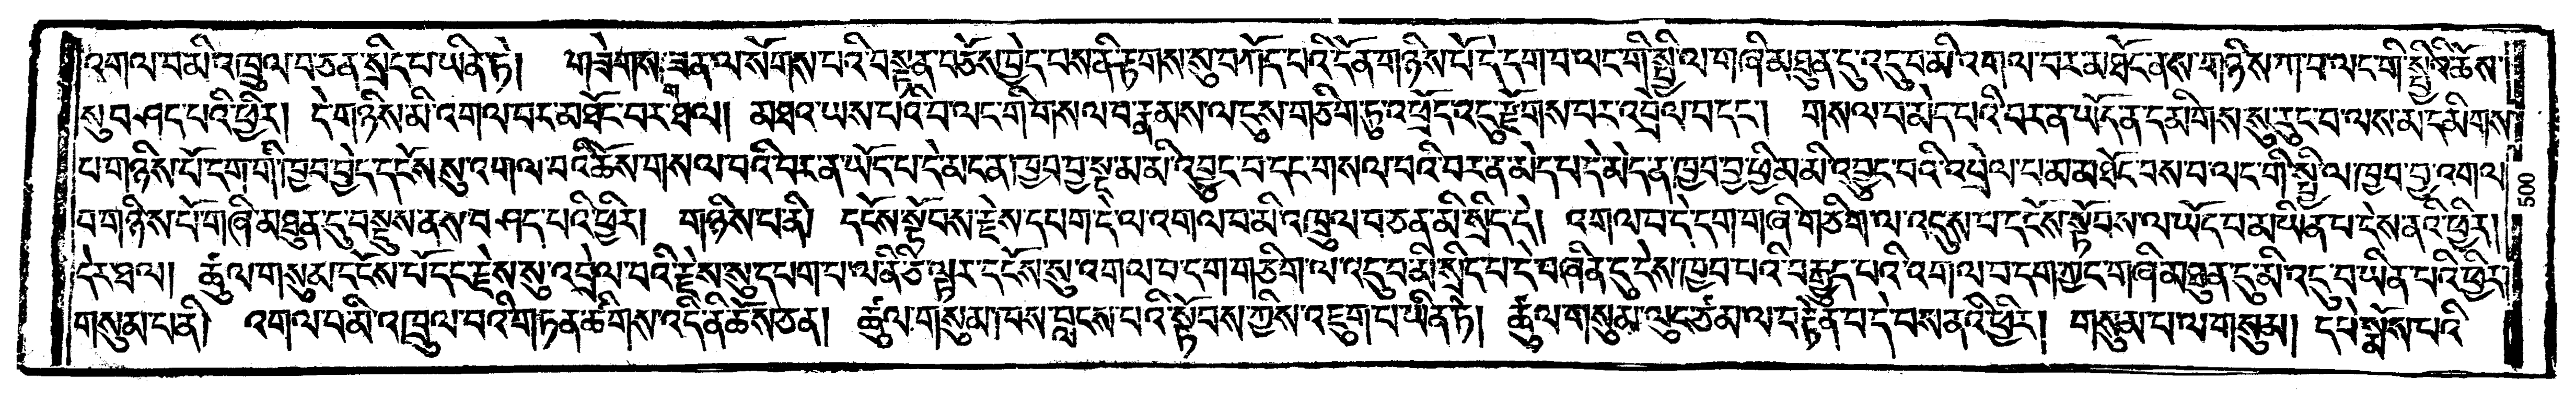འགལ་བ་མི་འཁྲུལ་བ་ཅན་སྲིད་པ་ཡིན་ཏེ། གཟེགས་གཟན་ལ་སོགས་པའི་བསྟན་བཅོས་བྱེད་པས་ནི་རྟགས་སུ་བཀོད་པའི་དོན་གཉིས་པོ་དེ་དག་བ་ལང་གི་སྤྱི་ལ་གཞི་མཐུན་དུ་འདུ་བ་མི་འགལ་བར་མཐོང་ནས་གཉིས་ཀ་བ་ལང་གི་སྤྱིའི་ཆོས་
སུ་བཤད་པའི་ཕྱིར། དེ་གཉིས་མི་འགལ་བར་མཐོང་བར་ཐལ། མཐའ་ཡས་པའི་བ་ལང་གི་གསལ་བ་རྣམས་ལ་དུས་གཅིག་ཏུ་འཕྲོད་འདུ་རྫོགས་པར་འབྲེལ་བ་དང་། གསལ་བ་མེད་པའི་བར་ན་ཡོད་ན་དམིགས་སུ་རུང་བ་ལས་མི་དམིགས་
པ་གཉིས་པོ་དག་གི་བྱེད་དངོས་སུ་འགལ་བའི་ཆོས་གསལ་བའི་བར་ན་ཡོད་པ་དེ་མངན་ཁྱབ་བྱ་སྔ་མ་མི་འབྱུང་བ་དང་གསལ་བའི་བར་ན་མེད་པ་དེ་མེད་ན་ཁྱབ་བྱ་ཕྱི་མ་མི་འབྱུང་བའི་འབྲེལ་པ་མ་ཐོང་བས་བ་ལང་གི་སྤྱི་ལ་ཁྱབ་བྱ་འགལ་
བ་གཉིས་པོ་གཞི་མཐུན་དུ་བསྡུས་ནས་བཤད་པའི་ཕྱིར། གཉིས་པ་ནི། དངོས་སྟོབས་རྗེས་དཔག་དེ་ལ་འགལ་བ་མི་འཁྲུལ་བ་ཅན་མི་སྲིད་དེ། འགལ་བ་དེ་དག་གཞི་གཅིག་ལ་འདུས་པ་དངོས་སྟོབས་ལ་ཡོད་པ་མ་ཡིན་པ་དེས་ནའི་ཕྱིར།
དེར་ཐལ། ཚུལ་གསུམ་དངོས་པོ་དང་རྗེས་སུ་འབྲེལ་བའི་རྗེས་སུ་དཔག་པ་ལ་ནི་ཅི་ལྟར་དངོས་སུ་འགལ་བ་དག་གཅིག་ལ་འདུ་བ་མི་སྲིད་པ་དེ་བཞིན་དུ་དེས་ཁྱབ་པའི་བརྒྱུད་པའི་འགལ་བ་དག་ཀྱང་གཞི་མཐུན་དུ་མི་འདུ་བ་ཡིན་པའི་ཕྱིར།
གསུམ་པ་ནི། འགལ་བ་མི་འཁྲུལ་བའི་གཏན་ཚིགས་འདི་ནི་ཆོས་ཅན། ཚུལ་གསུམ་ཁས་བླངས་པའི་སྟོབས་ཀྱིས་འཇུག་པ་ཡིན་ཏེ། ཚུལ་གསུམ་ལུང་ཙམ་ལ་བརྟེན་པ་དེ་བས་ནའི་ཕྱིར། གསུམ་པ་ལ་གསུམ། དཔེ་སྨོས་པའི་